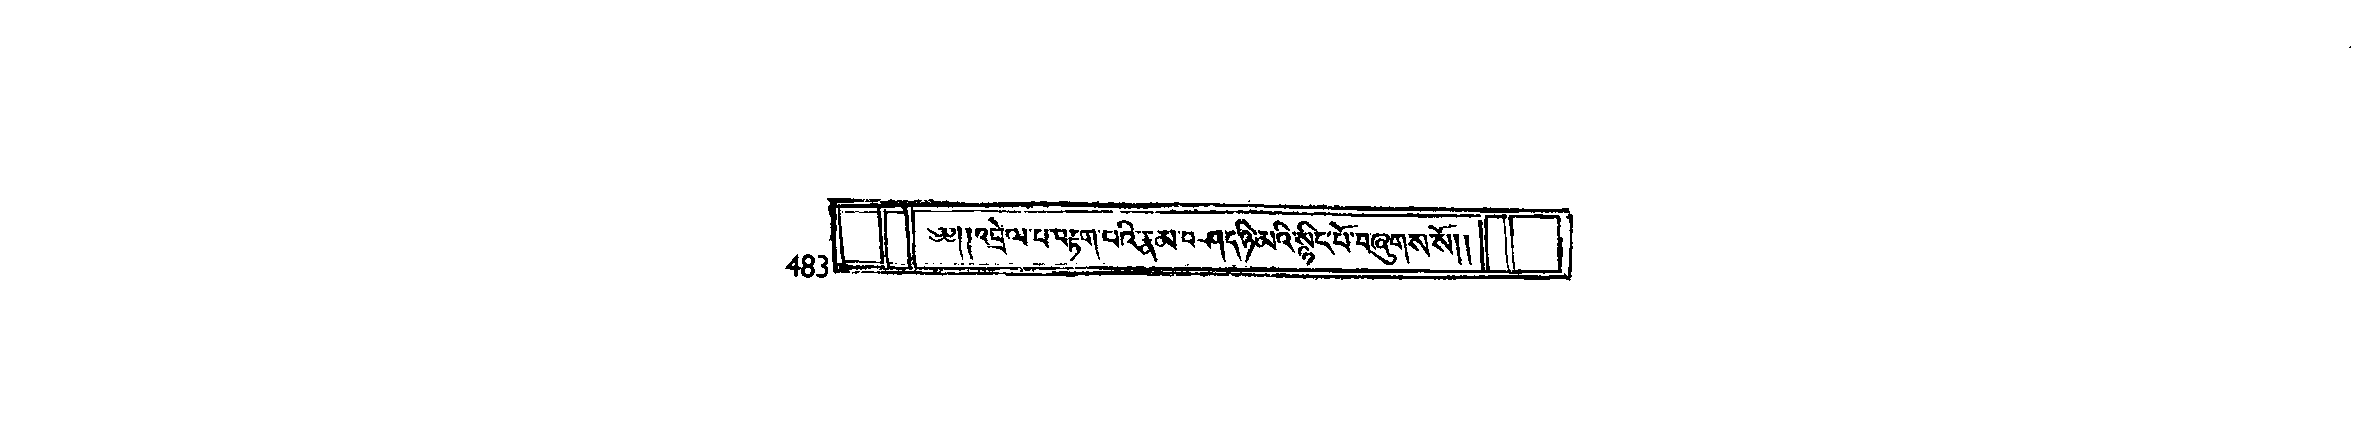༄༅། །འབྲེལ་པ་བརྟག་པའི་རྣམ་བཤད་ཉི་མའི་སྙིང་པོ་བཞུགས་སོ།།